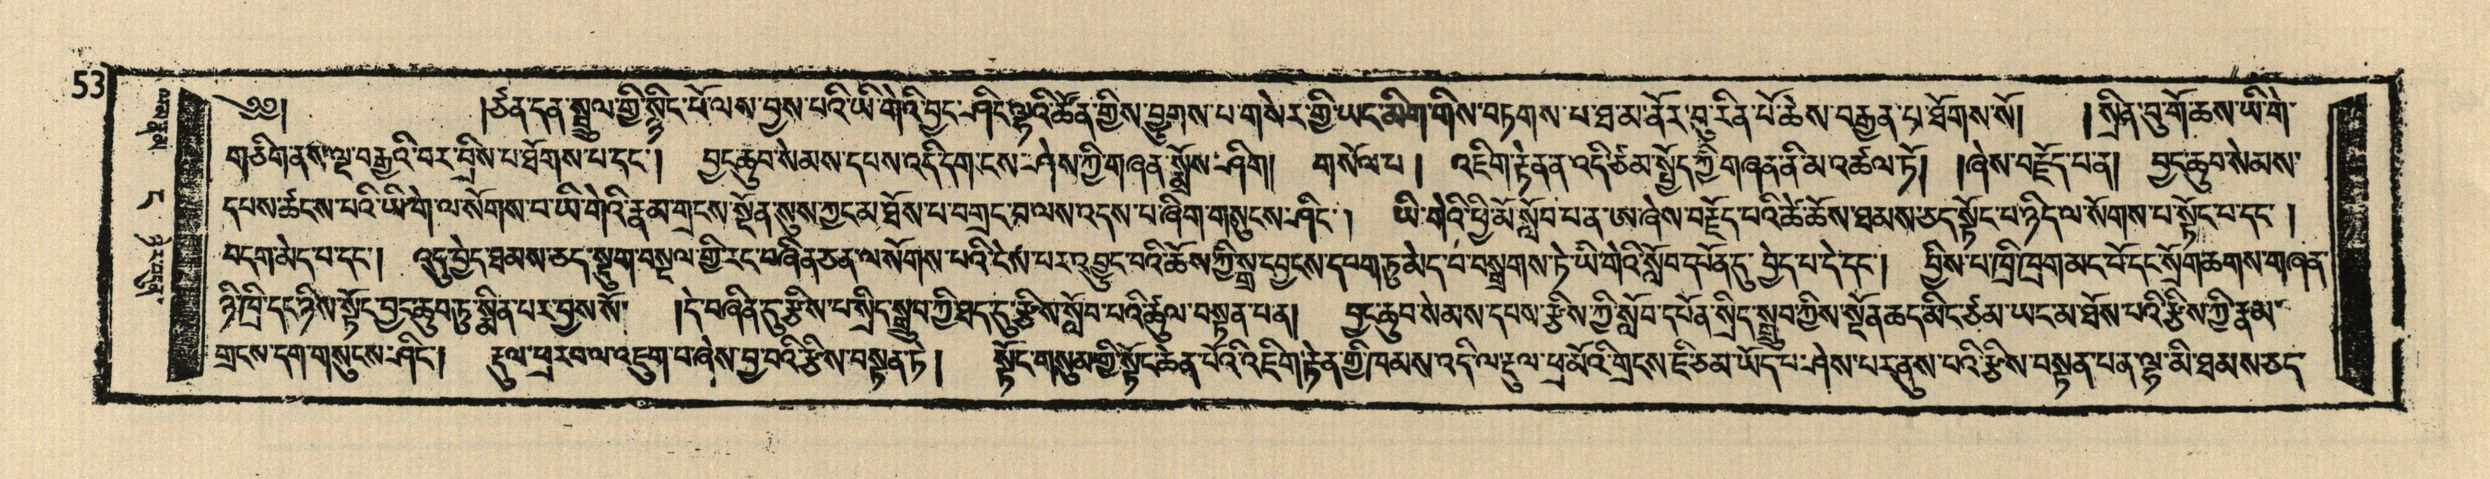༄༅། །ཙན་དན་སྦྲུལ་གྱི་སྙིང་པོ་ལས་བྱས་པའི་ཡི་གེའི་བྱང་ཤིང་ལྷའི་ཚོན་གྱིས་བྱུགས་པ་གསེར་གྱི་ཡང་མིག་གིས་བཏགས་པ་ཐ་མ་ནོར་བུ་རིན་པོ་ཆེས་བརྒྱན་པ་ཐོགས་སོ། །སྲིན་བུ་གོ་ཆས་ཡི་གེ་
གཅིག་ནས་ལྔ་བརྒྱའི་བར་བྲིས་པ་ཐོགས་པ་དང་། བྱང་ཆུབ་སེམས་དཔས་འདི་དག་ངས་ཤེས་ཀྱི་གཞན་སྨྲོས་ཤིག། གསོལ་པ། འཇིག་རྟེན་ན་འདི་ཙམ་སྤྱོད་ཀྱི་གཞན་ནི་མ་འཚལ་ཏོ། །ཞེས་བརྗོད་པ་ན། བྱང་ཆུབ་སེམས་
དཔས་ཚངས་པའི་ཡི་གེ་ལ་སོགས་པ་ཡི་གེའི་རྣམ་གྲངས་སྔོན་སུས་ཀྱང་མ་ཐོས་པ་བགྲང་བ་ལས་འདས་པ་ཞིག་གསུངས་ཤིང་། ཡི་གེའི་ཕྱི་མོ་སློབ་པ་ན་ཨ་ཞེས་བརྗོད་པའི་ཚེ་ཆོས་ཐམས་ཅད་སྟོང་པ་ཉིད་ལ་སོགས་པ་སྟོང་པ་དང་།
བདག་མེད་པ་དང་། འདུ་བྱེད་ཐམས་ཅད་སྡུག་བསྔལ་གྱི་རང་བཞིན་ཅན་ལ་སོགས་པའི་ངེས་པར་འབྱུང་བའི་ཆོས་ཀྱི་སྒྲ་དབྱངས་དཔག་ཏུ་མེད་བ་བསྒྲགས་ཏེ་ཡི་གེའི་སློབ་དཔོན་དུ་བྱེད་པ་དེ་དང་། བྱིས་པ་ཁྲི་ཁྲག་མང་པོ་དང་སྲོག་ཆགས་གཞན་
ཉི་ཁྲི་དང་ཉིས་སྟོང་བྱང་ཆུབ་ཏུ་སྨིན་པར་བྱས་སོ། །དེ་བཞིན་དུ་རྩིས་པ་སྲིད་སྒྲུབ་ཀྱི་ཐད་དུ་རྩིས་སློབ་པའི་ཚུལ་བསྟན་པ་ན། བྱང་ཆུབ་སེམས་དཔས་རྩིས་ཀྱི་སློབ་དཔོན་སྲིད་སྒྲུབ་ཀྱིས་སྔོན་ཆད་མིང་ཙམ་ཡང་མ་ཐོས་པའི་རྩིས་ཀྱི་རྣམ་
གྲངས་དག་གསུངས་ཤིང་། རྡུལ་ཕྲ་རབ་ལ་འཇུག་བ་ཞེས་བྱ་བའི་རྩིས་བསྟན་ཏེ། སྟོང་གསུམ་གྱི་སྟོང་ཆེན་པོའི་འཇིག་རྟེན་གྱི་ཁམས་འདི་ལ་རྡུལ་ཕྲ་མོའི་གྲངས་ཇི་ཅམ་ཡོད་པ་ཤེས་པར་ནུས་པའི་རྩིས་བསྟན་པ་ན་ལྷ་མི་ཐམས་ཅད་